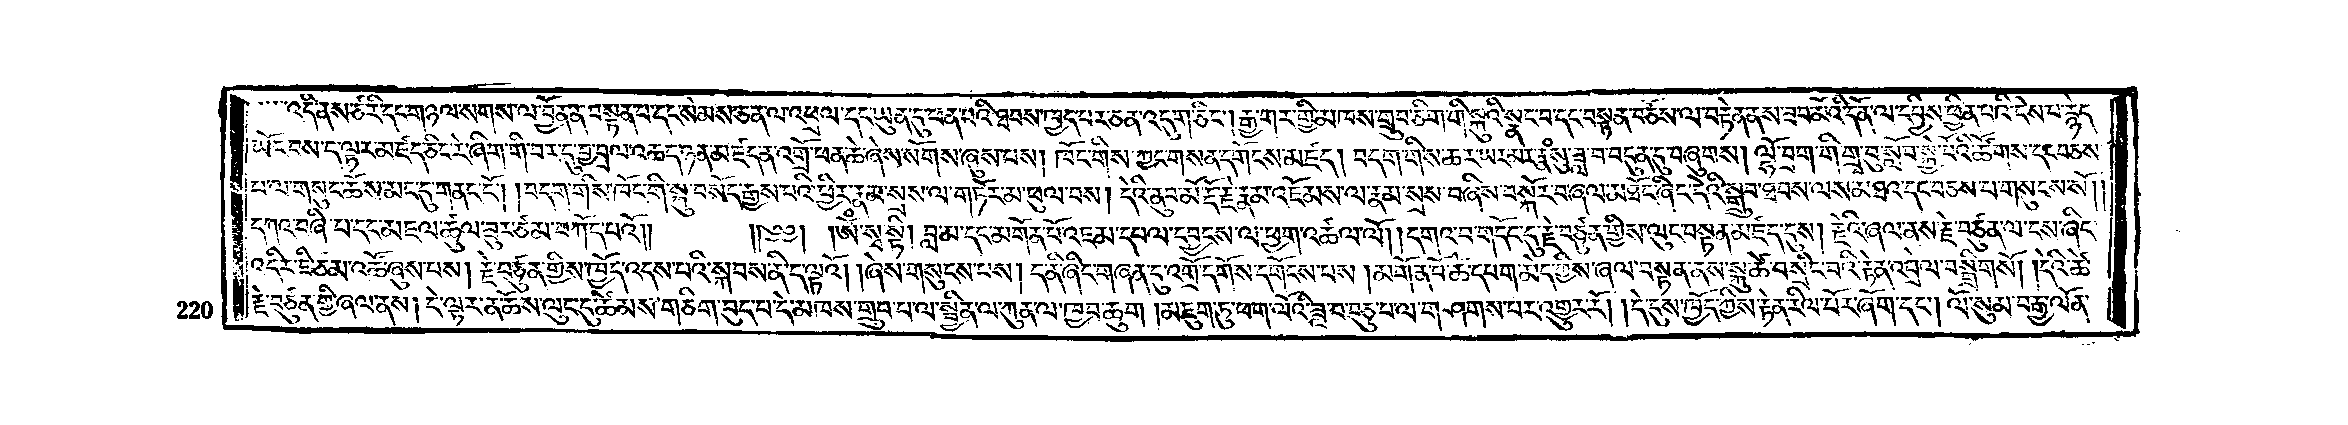འདི་ནས་ཙ་རི་དང་གཉལ་སགས་ལ་བྱོན་ན་བསྟན་པ་དང་སེམས་ཅན་ལ་འཕྲལ་དང་ཡུན་དུ་ཕན་པའི་ཐབས་ཁྱད་པར་ཅན་འདུག་ཅིང་། རྒྱ་གར་གྱི་མཁས་གྲུབ་ཅིག་གི་སྐུའི་སྣང་བ་དང་བསྟན་བཅོས་ལ་བརྟེན་ནས་ཟབ་མོའི་དོན་ལ་དཔྱིས་ཕྱིན་པའི་ངེས་པ་རྙེད་
ཡོང་བས་ད་ལྟར་མཛད་ཅིང་རེ་ཞིག་གི་བར་དུ་བྱ་བྲལ་འཆད་ཉན་མཛད་ན་འགྲོ་ཕན་ཆེ་ཞེས་སོགས་ཞུས་པས། ཁོང་གིས་ཀྱང་གསན་དགོངས་མཛད། བདག་གི་ས་ཆར་ཡར་མར་རྣཾས་སུ་ཟླ་བ་བདུན་དུ་བཞུགས། ལྷོ་བྲག་གི་གྲྭ་བུ་སློབ་སྐྱེ་པོའི་ཚོགས་དང་བཅས་
པ་ལ་གསུང་ཆོས་མང་དུ་གནང་ངོ། །བདག་གིས་ཁོང་གི་སྐུ་བསོད་རྒྱས་པའི་ཕྱིར་རྣམ་སྲས་ལ་གཏོར་མ་ཕུལ་བས། དེའི་ནུབ་མོ་རྡོ་རྗེ་རྣམ་འཇོམས་ལ་རྣམ་སྲས་བཞིས་བསྐོར་བ་ཞལ་མཐོང་ཞིང་དེའི་སྒྲུབ་ཐབས་ལས་མཐའ་དང་བཅས་པ་གསུངས་སོ། །
དཀའ་བཞི་པ་དང་མཇལ་ཚུལ་ཟུར་ཙམ་བཀོད་པའོ།། །།༄༅། །ཨོཾ་སྭ་སྟི། བླ་མ་དང་མགོན་པོ་འཇམ་དཔལ་དབྱངས་ལ་ཕྱག་འཚལ་ལོ། །དགའ་བ་གདོང་དུ་རྗེ་བཙུན་གྱིས་ལུང་བསྟན་མཛད་དུས། རྗེའི་ཞལ་ནས་རྗེ་བཙུན་ལ་ངས་ཞིང་
འདིར་ཇི་ཙམ་འཚོ་ཞུས་པས། རྗེ་བཙུན་གྱིས་ཁྱོད་འདས་པའི་སྐབས་ནི་ད་ལྟའོ། །ཞེས་གསུངས་པས། ད་ནི་ཞིང་གཞན་དུ་འགྲོ་དགོས་དགོངས་པས། མགོན་པོ་ཚེ་དཔག་མེད་ཀྱིས་ཞལ་བསྟན་ནས་སྐུ་ཚེ་བསྲིང་བའི་རྟེན་འབྲེལ་བསྒྲིགས་སོ། །དེའི་ཚེ་
རྗེ་བཙུན་གྱི་ཞལ་ནས། དེ་ལྟར་ན་ཆོས་ལུང་དུ་ཚེམས་གཅིག་བུད་པ་དེ་མཁས་གྲུབ་པ་ལ་སྦྱིན་ལ་ཀུན་ལ་ཁྱབ་ཆུག །མཇུག་ཏུ་ཕག་ལོའི་ཟླ་བ་བཅུ་པ་ལ་གཤགས་པར་འགྱུར་རོ། །དེ་དུས་ཁྱོད་ཀྱིས་རྟེན་རིལ་པོར་ཞོག་དང་། ལོ་སུམ་བརྒྱ་ལོན་